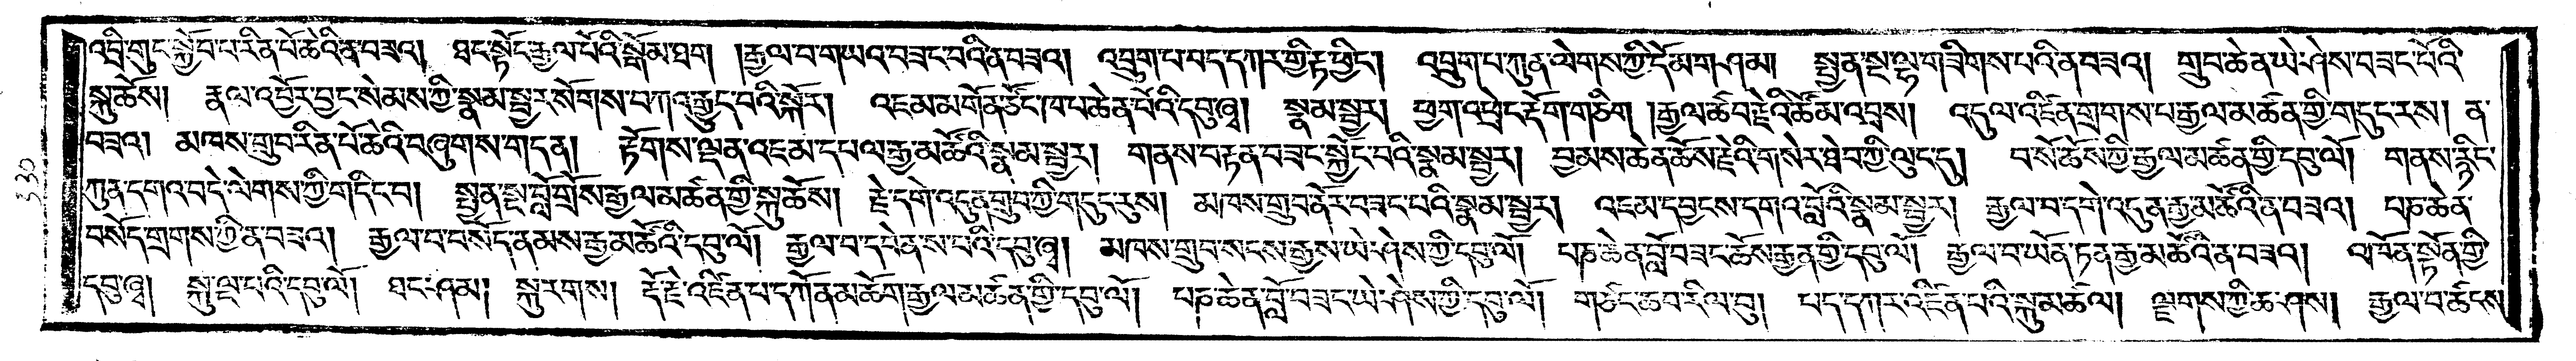འབྲི་གུང་སྐྱོབ་པ་རིན་པོ་ཆེའི་ན་བཟའ། ཐང་སྟོང་རྒྱལ་པོའི་སྒོམ་ཐག །རྒྱལ་བ་གཡའ་བཟང་བའི་ན་བཟའ། འབྲུག་པ་བད་དཀར་གྱི་རྟ་ཕྱིང་། འབྲུག་པ་ཀུན་ལེགས་ཀྱི་དོམ་གཤམ། སྤྱན་སྔ་ལྷ་གཟིགས་པའི་ན་བཟའ། གྲུབ་ཆེན་ཡེ་ཤེས་བཟང་པོའི་
སྐུ་ཆོས། རྣལ་འབྱོར་བྱང་སེམས་ཀྱིས་ནམ་སྦྱར་སོགས་བཀའ་རྒྱུད་པའི་སྐོར། འཇམ་མགོན་ཙོང་ཁ་པ་ཆེན་པོའི་དབུ་ཞྭ། སྣམ་སྦྱར། ཕྱག་འཕྲེང་རྡོག་གཅིག །རྒྱལ་ཚབ་རྗེའི་ཚོམ་འབྲས། འདུལ་འཛིན་གྲགས་པ་རྒྱལ་མཚན་གྱི་གདུང་རས། ན་
བཟའ། མཁས་གྲུབ་རིན་པོ་ཆེའི་བཞུགས་གདན། རྟོགས་ལྡན་འཇམ་དཔལ་རྒྱ་མཚོའི་སྣམ་སྦྱར། གནས་བརྟན་བཟང་སྐྱོང་བའི་སྣམ་སྦྱར། བྱམས་ཆེན་ཆོས་རྗེའི་གསེར་ཐེབ་ཀྱི་ལུང་དུ། བསོ་ཆོས་ཀྱི་རྒྱལ་མཚན་གྱི་དབུ་ལོ། གནས་རྙིང་
ཀུན་དགའ་བདེ་ལེགས་ཀྱི་གདིང་བ། སྤྱན་སྔ་བློ་གྲོས་རྒྱལ་མཚན་གྱི་སྐུ་ཆོས། རྗེ་དགེ་འདུན་གྲུབ་ཀྱི་གདུང་རུས། མཁས་གྲུབ་ནོར་བཟང་པའི་སྣམ་སྦྱར། འཇམ་དབྱངས་དགའ་བློའི་སྣམ་སྦྱར། རྒྱལ་བ་དགེ་འདུན་རྒྱ་མཚོའི་ན་བཟའ། པཎ་ཆེན་
བསོད་གྲགས་ཀྱི་ན་བཟའ། རྒྱལ་བ་བསོད་ནམས་རྒྱ་མཚོའི་དབུ་ལོ། རྒྱལ་བ་དབེན་ས་པའི་དབུ་ཞྭ། མཁས་གྲུབ་སངས་རྒྱས་ཡེ་ཤེས་ཀྱི་དབུ་ལོ། པཎ་ཆེན་བློ་བཟང་ཆོས་རྒྱན་གྱི་དབུ་ལོ། རྒྱལ་བ་ཡོན་ཏན་རྒྱ་མཚོའི་ན་བཟའ། འཁོན་སྟོན་གྱི་
དབུ་ཞྭ། སྐུ་ལྔ་པའི་དབུ་ལོ། ཐང་ཤམ། སྐུ་རགས། རྡོ་རྗེ་འཛིན་པ་དཀོན་མཆོག་རྒྱལ་མཚན་གྱི་དབུ་ལོ། པཎ་ཆེན་བློ་བཟང་ཡེ་ཤེས་ཀྱི་དབུ་ལོ། གཙང་ཆ་བ་རིལ་བུ། པད་དཀར་འཛིན་པའི་སྐུ་མཚལ། ལྗགས་ཀྱི་ཆ་ཤས། རྒྱལ་བ་ཚངས་